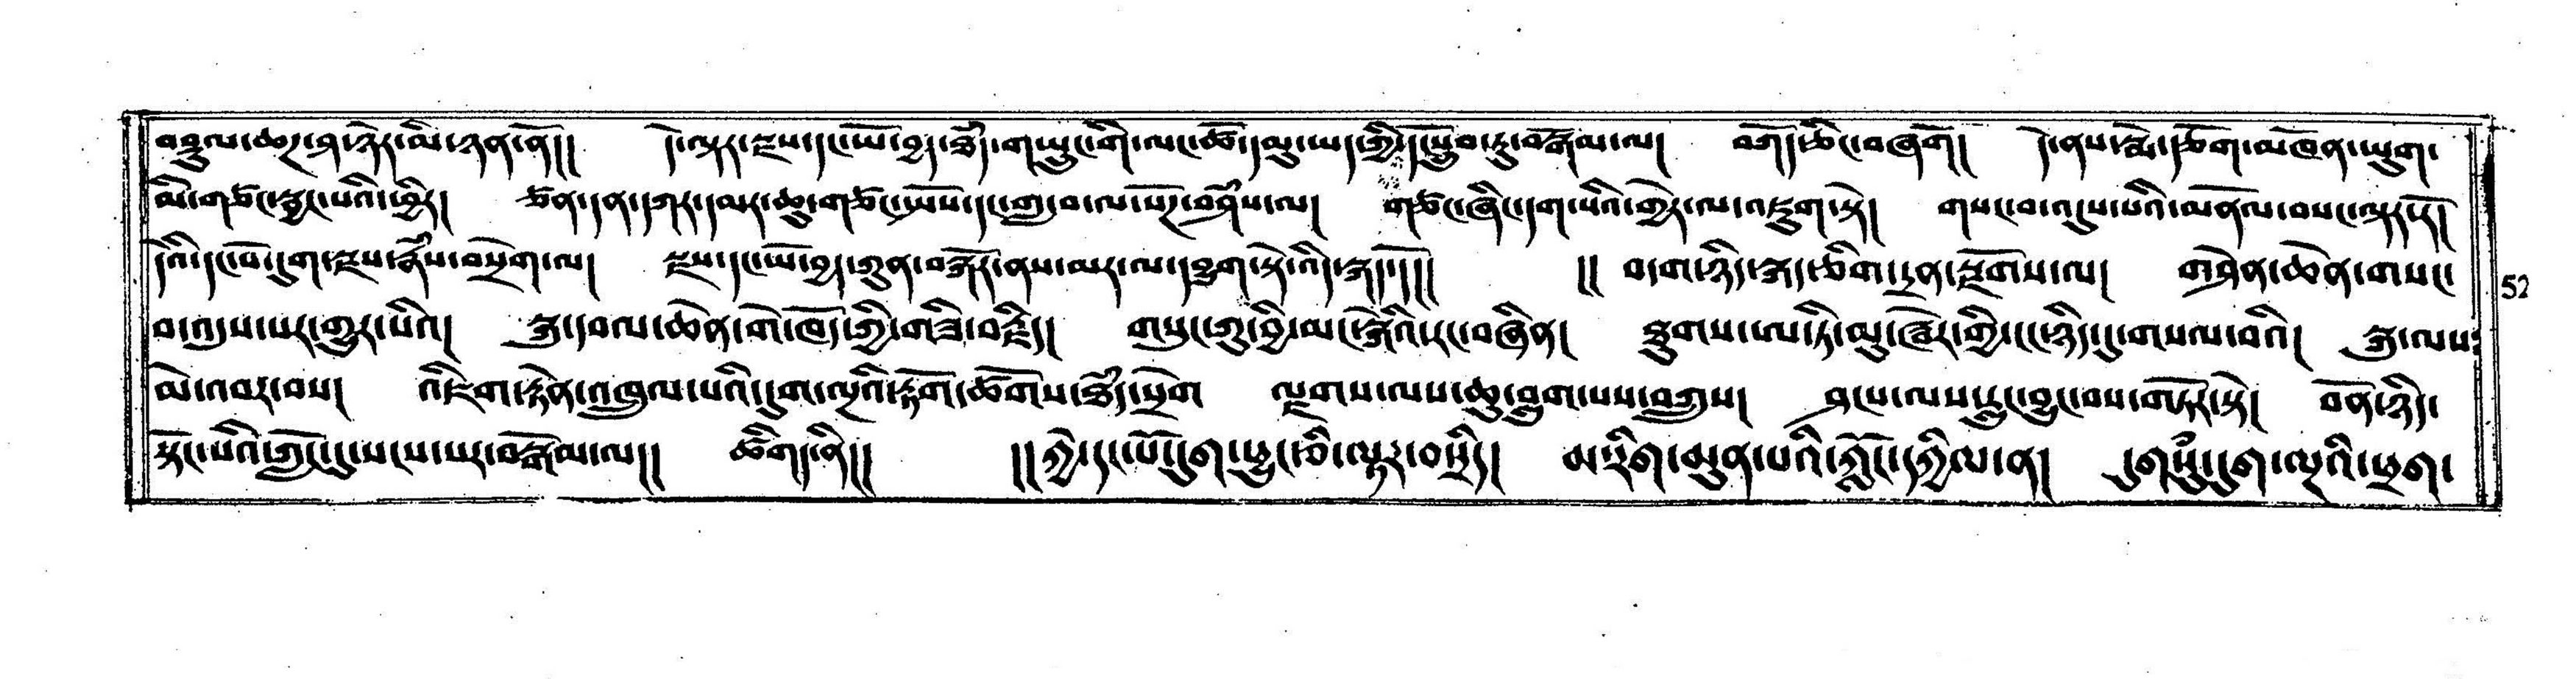བཤུལ་ཆགས་ཤ་ཉེར་མི་ཉན་ནོ།། དེ་ལྟར་རྫས་དང་ཡོ་བྱད་ཐམས་ཅད་གཡུང་དྲུང་གི་ལང་ཚོ་དམུ་ཡད་ཀྱི་དངོས་གྲུབ་ཏུ་བསྒོམ་ལ། བཀོད་ཅིང་བཞག་གོ དེ་ནས་སྨེ་རྩོག་མཁོན་ཡུག་
མི་གཙང་སྦྱང་བའི་ཕྱིར། ཙན་དན་དཀར་དམར་ཆུ་གཙང་སྤོས་དང་གླ་བ་ལ་སོགས་བཤམས་ལ། གཙང་ཞིང་དག་པའི་གྱེར་ལ་འཇུག་སྟེ། གསང་བ་འདུས་པའི་མནོལ་བསང་ལྟར་རོ། 
དེའི་དང་པོ་དུག་རྫས་རྣམས་བསྲེག་ལ། རྫས་དང་ཡོ་བྱད་ཀུན་བསྐོར་ནས་མར་ལ་དབྱུག་སྟེ་འདི་སྐད་དོ།། །།བདག་ཉིད་སྐད་ཅིག་དྲན་རྫོགས་ལ། གཤེན་ཆེན་གསང་
བ་འདུས་པར་གྱུར་པའི། སྐུ་དབལ་ཆེན་གེ་ཁོད་ཀྱི་གཟི་བརྗིད། གསུང་ཀུ་བྱི་མང་སྐེའི་རང་བཞིན། ཐུགས་ཨ་ཏི་མུ་ཝེར་གྱི་ངང་ཉིད་དུ་གསལ་བའི། སྐུ་ལས་
མེ་འབར་བས། འཇིག་རྟེན་འཁྲུལ་པའི་དུག་ལྔའི་རྟོག་ཚོགས་ཐམས་ཅད་སྲེག ལྗགས་ལས་ཆུ་བླུག་པས་བཀྲུས། ཤངས་ལས་རླུང་བྱུང་བས་གཏོར་སྟེ། བོན་ཉིད་
སྟོང་པའི་ཀློང་དུ་སངས་པར་བསྒོམ་ལ།། ཚིག་བཤད་ནི།། །།ཀྱེ་དང་པོ་དུག་ཕྱུང་ཅི་ལྟར་བསྲིད། མ་རིག་མུན་པའི་ཀློང་དཀྱིལ་ན། དུག་གསུམ་དུག་ལྔའི་ཕྲག་